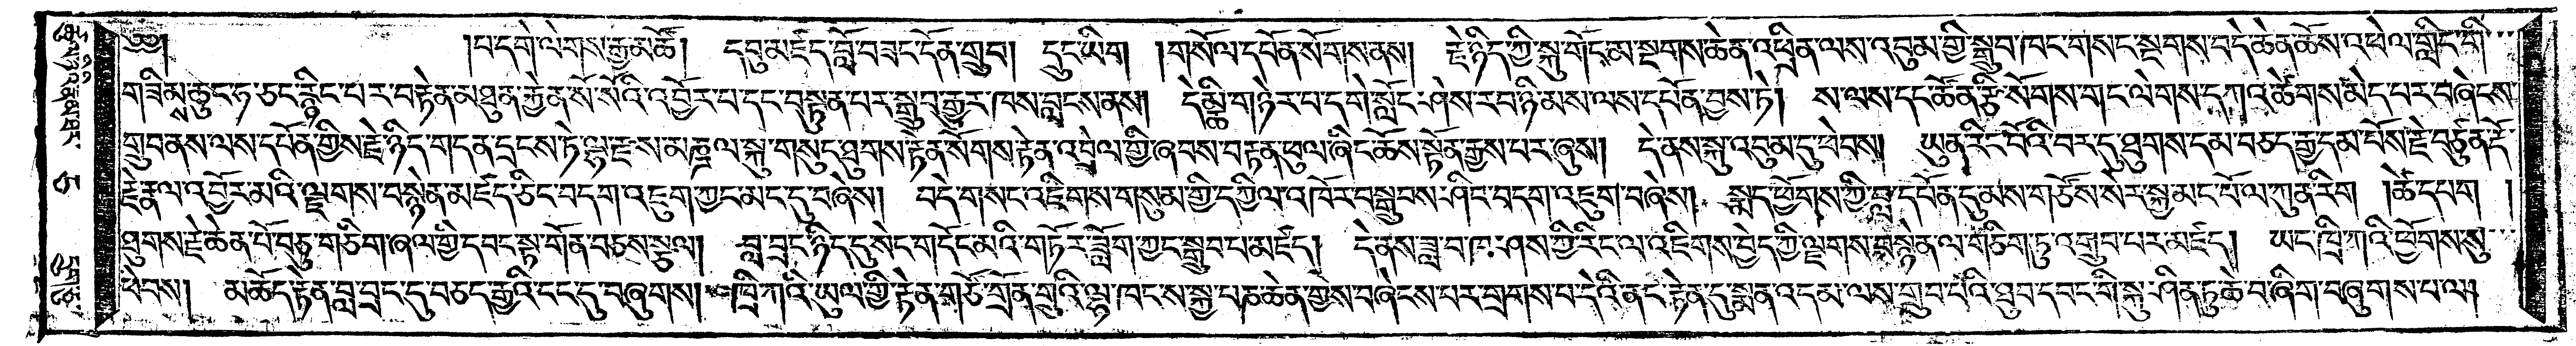༄༅། །བ་དགེ་ལེགས་རྒྱ་མཚོ། དབུ་མཛད་བློ་བཟང་དོན་གྲུབ། དྲུང་ཡིག །གསོལ་དབོན་སོགས་ནས། རྗེ་ཉིད་ཀྱི་སྐུ་གོང་མ་སྔགས་ཆེན་འཕྲིན་ལས་འབུམ་གྱི་སྒྲུབ་ཁང་གསང་སྔགས་བདེ་ཆེན་ཆོས་འཕེལ་གླིང་གི་
གཟིམས་ཆུང་ཧ་ཅང་རྙིང་པར་བརྟེན་མཐུན་རྐྱེན་སོ་སོའི་འབྱོར་པ་དང་བསྟུན་པར་སྒྲུབ་རྒྱུར་ཁས་བླངས་ནས། དེ་མཆི་གཉེར་བ་དགེ་སློང་ཤེས་རབ་ཉི་མས་ལས་དཔོན་བྱས་ཏེ། ས་ལས་དང་ཚོན་རྩི་སོགས་གང་ལེགས་དཀའ་ཚེགས་མེད་པར་བཞེངས་
གྲུབ་ནས་ལས་དཔོན་གྱིས་རྗེ་ཉིད་གདན་དྲངས་ཏེ་ལྷ་རྫས་མཎྜལ་སྐུ་གསུང་ཐུགས་རྟེན་སོགས་རྟེན་འབྲེལ་གྱི་ཞབས་བརྟན་ཕུལ་ཞིང་ཆོས་སྟོན་རྒྱས་པར་ཞུས། དེ་ནས་སྐུ་འབུམ་དུ་ཕེབས། ཡུན་རིང་པོའི་བར་དུ་ཐུགས་དམ་བཅས་རྒྱ་དམ་པོས་རྗེ་བཙུན་རྡོ་
རྗེ་རྣལ་འབྱོར་མའི་ལྗགས་བསྙེན་མཛད་ཅིང་བདག་འཇུག་ཀྱང་མང་དུ་བཞེས། བདེ་གསང་འཇིགས་གསུམ་གྱི་དཀྱིལ་འཁོར་བསྒྲུབས་ཤིང་བདག་འཇུག་བཞེས། སྨད་ཕྱོགས་ཀྱི་བླ་དཔོན་དུ་མས་གཙོས་སེར་སྐྱ་མང་པོ་ལ་ཀུན་རིང་། །ཚེ་དཔག །
ཐུགས་རྗེ་ཆེན་པོ་བཅུ་གཅིག་ཞལ་གྱི་དབང་སྟ་གོན་བཅས་སྩལ། བླ་བྲང་ཉིད་དུ་སེང་གདོང་མའི་གཏོར་ཟློག་ཀྱང་སྒྲུབ་པ་མཛད། དེ་ནས་ཟླ་བ་ཁ་ཤས་ཀྱི་རིང་ལ་འཇིགས་བྱེད་ཀྱི་ལྗགས་བསྙེན་ལ་གཅིག་ཏུ་འགྲུབ་པར་མཛད། ཡང་ཁྲི་ཀའི་ཕྱོགས་སུ་
ཕེབས། མཆོད་རྟེན་བླ་བྲང་དུ་བཅད་རྒྱའི་ངང་དུ་བཞུགས། ཁྲི་ཀའི་ཡུལ་གྱི་རྟེན་གཙོ་གྲོན་གྲུའི་ལྷ་ཁངས་སྐྱ་པཎ་ཆེན་གྱིས་བཞེངས་བར་གྲགས་བ་དེའི་ནང་རྟེན་དུ་སྨན་འདམ་ལས་གྲུབ་པའི་ཐུབ་དབང་གི་སྐུ་ཤིན་ཏུ་ཆེ་བ་ཞིག་བཞུགས་པ་ལ།